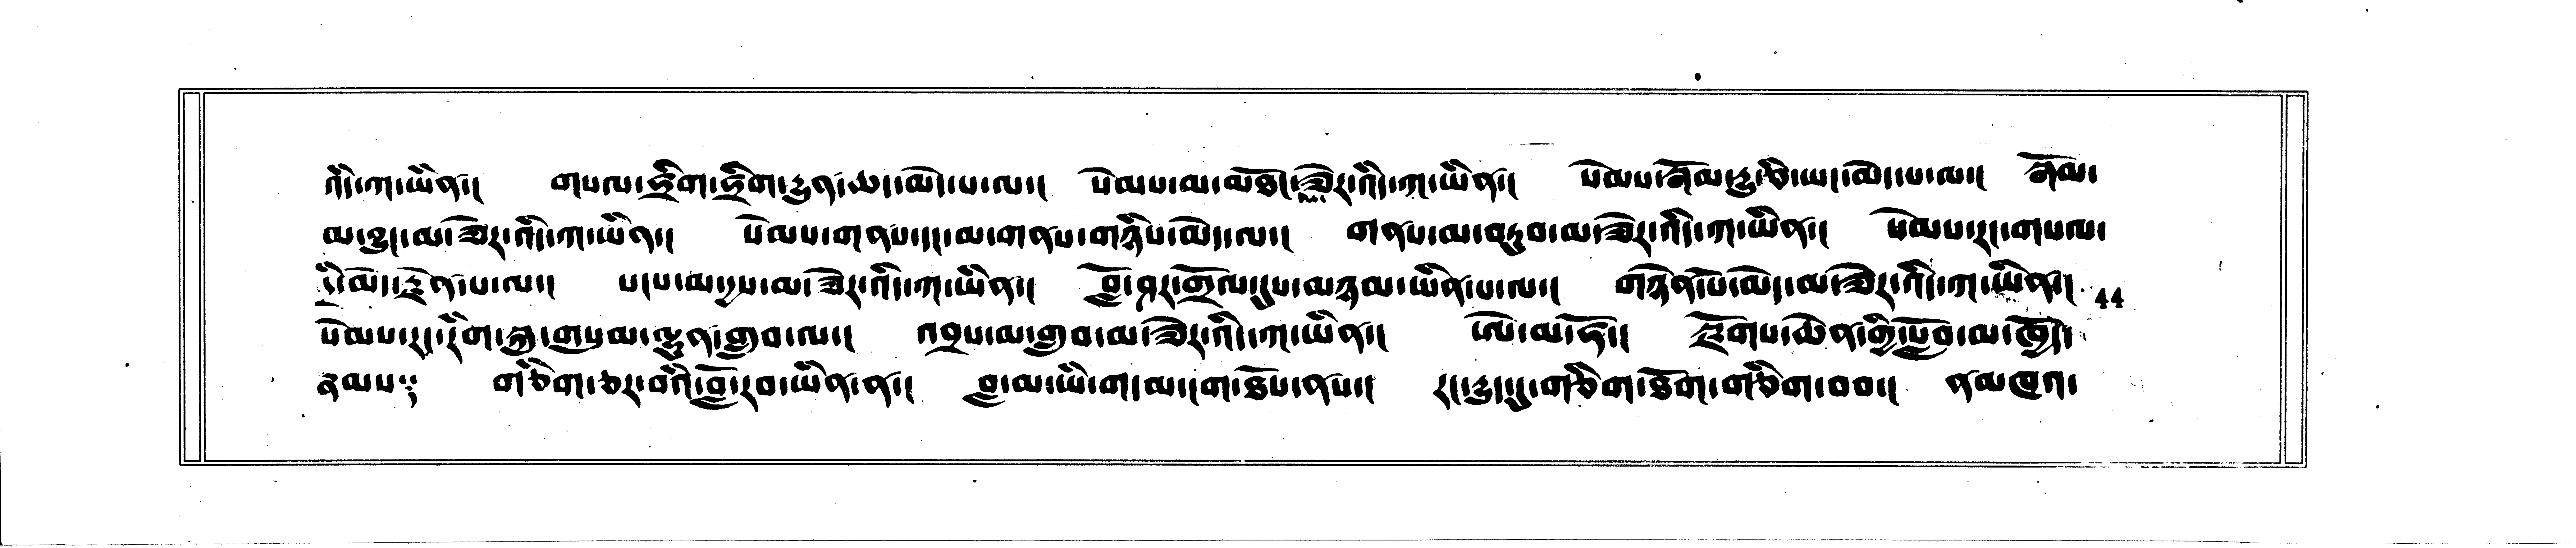འདི་ཀ་ཡིན། །གསལ་ཧྲིག་ཧྲིག་རྒྱུན་ཆད་མེད་པ་ལ། །སེམས་མ་མཐོང་མ་ཟེར་འདི་ཀ་ཡིན། །སེམས་བསྒོམ་རྒྱུ་ཅི་ཡང་མེད་པ་ལ། །སྒོམ་
མ་བྱུང་མ་ཟེར་འདི་ཀ་ཡིན། །སེམས་གནས་དང་མ་གནས་གཉིས་མེད་ལ། །གནས་མ་བཏུབ་མ་ཟེར་འདི་ཀ་ཡིན། །སེམས་རང་གསལ་
དྲི་མེད་རྗེན་པ་ལ། །སངས་མ་རྒྱས་མ་ཟེར་འདི་ཀ་ཡིན། །བློ་ཤར་གྲོལ་དུས་མཉམ་ཡིན་པ་ལ། །གཉེན་པོ་མེད་མ་ཟེར་འདི་ཀ་ཡིན། །
སེམས་རང་རིག་སྐུ་གསུམ་ལྷུན་གྲུབ་ལ། །འབྲས་མ་གྲུབ་མ་ཟེར་འདི་ཀ་ཡིན། །ཨེ་མ་ཧོ། །རྫོགས་ཆེན་གྱི་སློབ་མ་ཁྱོད་
རྣམས། །གཅིག་ཅར་བའི་བློ་རབ་ཡིན་ན། །བླ་མ་ཡི་གདམས་ངག་ཐོས་ནས། །རང་རྒྱུད་དུ་གཅིག་ཐོག་གཅིག་བབས། །ནམ་མཁའ་